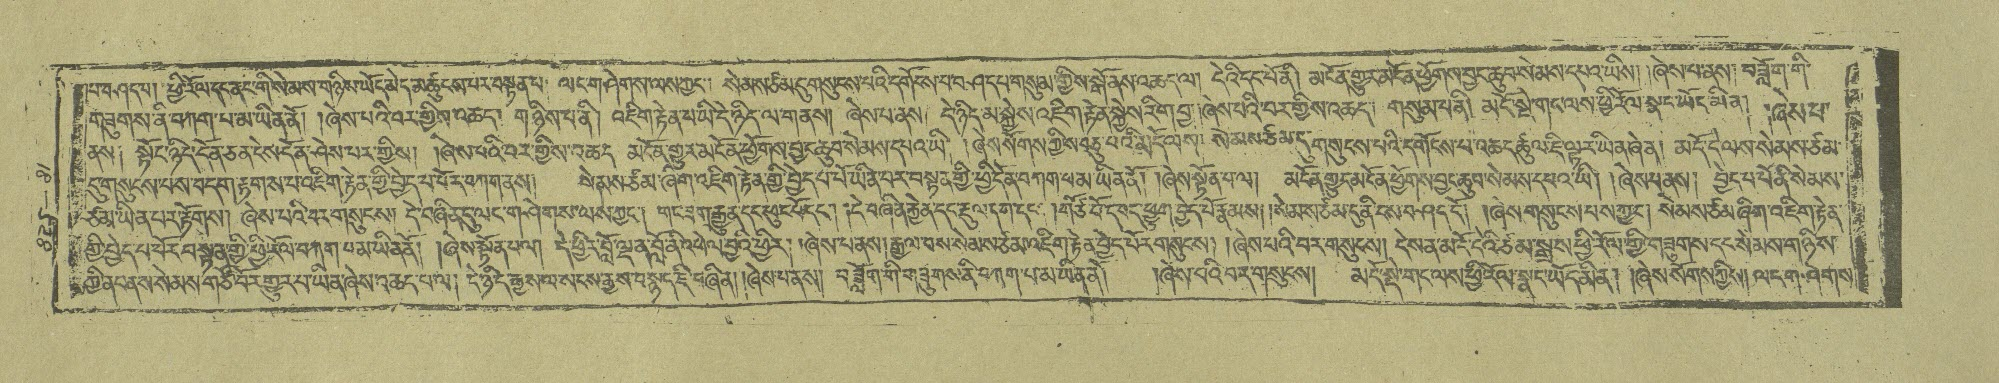པ་བཤད་པ། ཕྱི་རོལ་དང་ནང་གི་སེམས་གཉིས་ཡོད་མེད་མཚུངས་པར་བསྟན་པ། ལང་གཤེགས་ལས་ཀྱང་། སེམས་ཙམ་དུ་གསུངས་པའི་དགོངས་པ་བཤད་པ་གསུམ་གྱིས་སྒོ་ནས་འཆད་ལ། དེའི་དང་པོ་ནི། མངོན་གྱུར་མངོན་ཕྱོགས་བྱང་ཆུབ་སེམས་དཔའ་ཡིས། །ཞེས་པ་ནས། བཟློག་གི་
གཟུགས་ནི་བཀག་པ་མ་ཡིན་ནོ། །ཞེས་པའི་བར་གྱིས་འཆད། གཉིས་པ་ནི། འཇིག་རྟེན་པ་ཡི་དེ་ཉིད་ལ་གནས། ཞེས་པ་ནས། དེ་ཉིད་མ་སྐྱེས་འཇིག་རྟེན་སྐྱེས་རིག་བྱ། །ཞེས་པའི་བར་གྱིས་འཆད། གསུམ་པ་ནི། མདོ་སྡེ་གང་ལས་ཕྱི་རོལ་སྣང་ཡོད་མིན། །ཞེས་པ་
ནས། སྟོང་ཉིད་དོན་ཅན་ངེས་དོན་ཤེས་པར་གྱིས། །ཞེས་པའི་བར་གྱིས་འཆད། མངོན་གྱུར་མངོན་ཕྱོགས་བྱང་ཆུབ་སེམས་དཔའ་ཡི། ཞེས་སོགས་ཀྱི་ས་བཅུ་པའི་མདོ་ལས། སེམས་ཙམ་དུ་གསུངས་པའི་དགོངས་པ་འཆད་ཚུལ་ཇི་ལྟར་ཡིན་ཞེ་ན། མདོ་དེ་ལས་སེམས་ཙམ་
དུ་གསུངས་པས་བདག་རྟགས་པ་འཇིག་རྟེན་གྱི་བྱེད་པ་པོར་བཀག་ནས། སེམས་ཙམ་ཞིག་འཇིག་རྟེན་གྱི་བྱེད་པ་པོ་ཡིན་པར་བསྟན་གྱི་ཕྱི་དོན་བཀག་པ་མ་ཡིན་ནོ། །ཞེས་སྟོན་པ་ལ། མངོན་གྱུར་མངོན་ཕྱོགས་བྱང་ཆུབ་སེམས་དཔའ་ཡི། །ཞེས་པ་ནས། བྱེད་པ་པོ་ནི་སེམས་
ཙམ་ཡིན་པར་རྟོགས། ཞེས་པའི་བར་གསུངས། དེ་བཞིན་དུ་ལང་གཤེགས་ལས་ཀྱང་། གང་ཟག་རྒྱུན་དང་ཕུང་པོ་དང་། །དེ་བཞིན་རྐྱེན་དང་རྔུལ་དག་དང་། །གཙོ་བོ་དབང་ཕྱུག་བྱེད་པོ་རྣམས། །སེམས་ཙམ་དུ་ནི་ངེས་བཤད་དོ། །ཞེས་གསུངས་པས་ཀྱང་། སེམས་ཙམ་ཞིག་འཇིག་རྟེན་
གྱི་བྱེད་པ་པོར་བསྟན་གྱི་ཕྱི་རོལ་བཀག་པ་མ་ཡིན་ནོ། །ཞེས་སྟོན་པ་ལ། དེ་ཕྱིར་བློ་ལྡན་བློ་ནི་འཕེལ་བྱའི་ཕྱིར། །ཞེས་པ་ནས། རྒྱལ་བས་སེམས་ཙམ་འཇིག་རྟེན་བྱེད་པོར་གསུངས། །ཞེས་པའི་བར་གསུངས། དེས་ན་མདོ་དེའི་ཙམ་སྒྲས་ཕྱི་རོལ་གྱི་གཟུགས་དང་སེམས་གཉིས་
ཀྱི་ནང་ནས་སེམས་གཙོ་བོར་གྱུར་པ་ཡིན་ཞེས་འཆད་པ་ལ། དེ་ཉིད་རྒྱས་ལ་སངས་རྒྱས་བསྙད་ཇི་བཞིན། །ཞེས་པ་ནས། བཟློག་གི་གཟུགས་ནི་བཀག་པ་མ་ཡིན་ནོ། །ཞེས་པའི་བར་གསུངས། མདོ་སྡེ་གང་ལས་ཕྱི་རོལ་སྣང་ཡོད་མིན། །ཞེས་སོགས་ཀྱིས། ལང་གཤེགས་